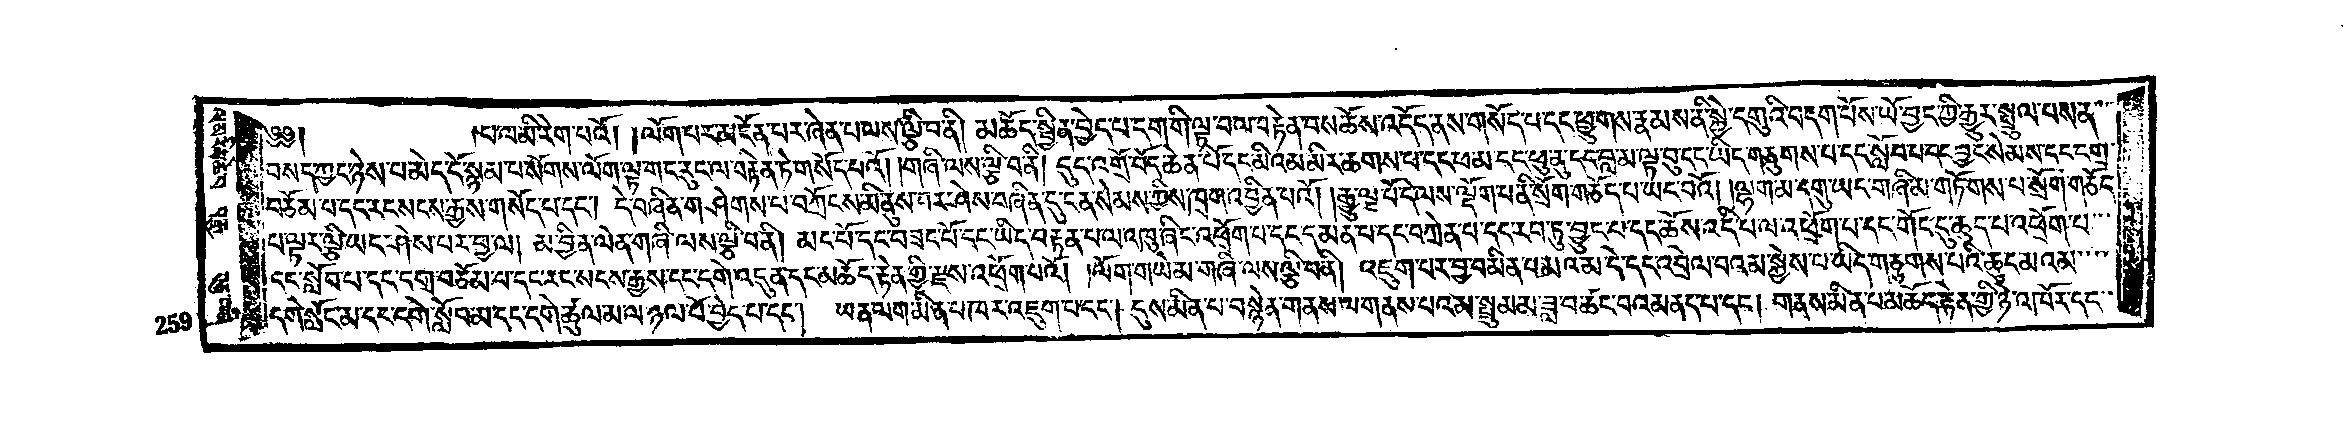༄༅། །པ་ལ་མི་རེག་པའོ། །ལོག་པར་མངོན་པར་ཞེན་པ་ལས་ལྕི་བ་ནི། མཆོད་སྦྱིན་བྱེད་པ་དག་གི་ལྟ་བ་ལ་བརྟེན་པས་ཆོས་འདོད་ནས་གསོད་པ་དང་ཕྱུགས་རྣམས་ནི་སྐྱེ་དགུའི་བདག་པོས་ཡོ་བྱད་ཀྱི་རྒྱུར་སྤྲུལ་བས་ན་
བསད་ཀྱང་ཉེས་པ་མེད་དོ་སྙམ་པ་སོགས་ལོག་ལྟ་གང་རུང་ལ་བརྟེན་ཏེ་གསོད་པའོ། །གཞི་ལས་ལྕི་བ་ནི། དུད་འགྲོ་བོང་ཆེན་པོ་དང་མིའམ་མིར་ཆགས་པ་དང་ཕ་མ་དང་ཕུ་ནུ་དང་བླ་མ་ལྟ་བུ་དང་ཡིད་གཅུགས་པ་དང་སློབ་པ་དང་བྱང་སེམས་དང་དགྲ་
བཅོམ་པ་དང་རང་སངས་རྒྱས་གསོད་པ་དང་། དེ་བཞིན་གཤེགས་པ་བཀྲོངས་མི་ནུས་པར་ཤེས་བཞིན་དུ་ངན་སེམས་ཀྱིས་ཁྲག་འབྱིན་པའོ། །རྒྱུ་ལྔ་པོ་དེ་ལས་ལྡོག་པ་ནི་སྲོག་གཅོད་པ་ཡང་བའོ། །ལྷག་མ་དགུ་ཡང་གཞི་མ་གཏོགས་པ་སྲོག་གཅོད་
པ་ལྟར་ལྕི་ཡང་ཤེས་པར་བྱ་ལ། མ་བྱིན་ལེན་གཞི་ལས་ལྕི་བ་ནི། མང་པོ་དང་བཟང་པོ་དང་ཡིད་བརྟན་པ་ལ་འཁུ་ཞིང་འཕྲོག་པ་དང་དམན་པ་དང་བཀྲེན་པ་དང་རབ་ཏུ་བྱུང་བ་དང་ཆོས་འདི་པ་ལ་འཕྲོག་པ་དང་གོང་དུ་ཆུད་པ་འཕྲོག་པ་
དང་སློབ་པ་དང་དགྲ་བཅོམ་པ་དང་རང་སངས་རྒྱས་དང་དགེ་འདུན་དང་མཆོད་རྟེན་གྱི་རྫས་འཕྲོག་པའོ། །ལོག་གཡེམ་གཞི་ལས་ལྕི་བ་ནི། འཇུག་པར་བྱ་བ་མིན་པ་མའམ་དེ་དང་འབྲེལ་བའམ་སྐྱེས་པ་ཡིད་གཅུགས་པའི་ཆུང་མའམ་
དགེ་སློང་མ་དང་དགེ་སློབ་མ་དང་དགེ་ཚུལ་མ་ལ་ཉལ་པོ་བྱེད་པ་དང་། ཡན་ལག་མིན་པ་ཁར་འཇུག་པ་དང་། དུས་མིན་པ་བསྙེན་གནས་ལ་གནས་པའམ་སྦྲུམ་མ་ཟླ་བ་ཚང་བའམ་ནད་པ་དང་། གནས་མིན་པ་མཆོད་རྟེན་གྱི་ཉེ་འཁོར་དང་